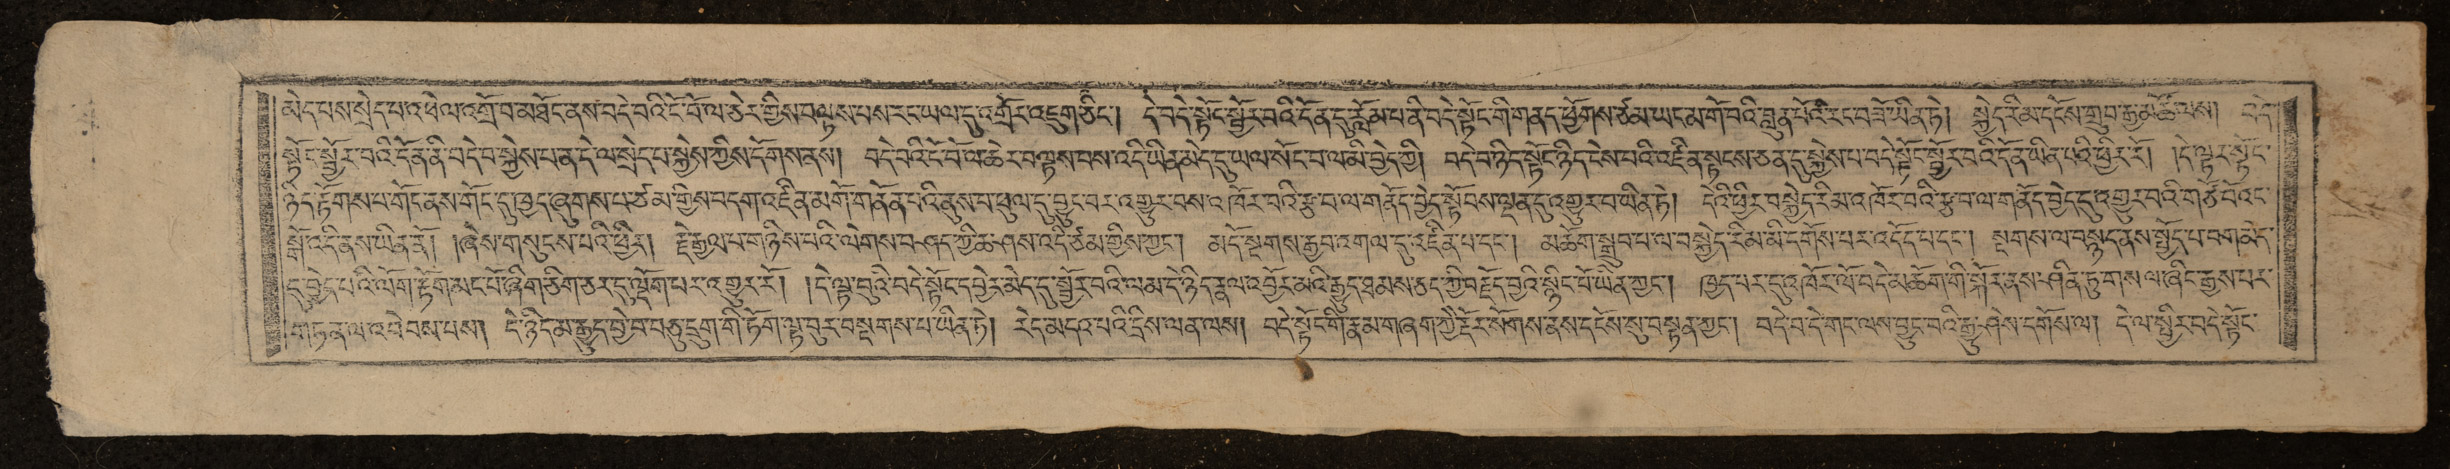མེད་པས་སྲེད་པ་འཕེལ་འགྲོ་བ་མཐོང་ནས་བདེ་བའི་ངོ་བོ་ལ་ཅེར་གྱིས་བལྟས་པས་རང་ཡལ་དུ་འགྲོར་འཇུག་ཅིང་། དེ་བདེ་སྟོང་སྦྱོར་བའི་དོན་དུ་རློམ་པ་ནི་བདེ་སྟོང་གི་གནད་ཕྱོགས་ཙམ་ལང་མ་གོ་བའི་བླུན་པོའི་རང་བཟོ་ཡིན་ཏེ། བསྐྱེད་རིམ་དངོས་གྲུབ་རྒྱ་མཚོ་ལས། བདེ་
སྟོང་སྦྱོར་བའི་དོན་ནི་བདེ་བ་སྐྱེས་པ་ན་དེ་ལ་སྲེད་པ་སྐྱེས་ཀྱིས་དོགས་ནས། བདེ་བའི་ངོ་བོ་ལ་ཆེར་བལྟས་པས་འདི་ཡིན་མེད་དུ་ཡལ་སོང་བ་ལ་མི་བྱེད་ཀྱི། བདེ་བ་ཉིད་སྟོང་ངེས་པའི་འཛིན་སྟངས་ཅན་དུ་སྐྱེས་པ་བདེ་སྟོང་སྦྱོར་བའི་དོན་ཡིན་པའི་ཕྱིར་རོ། །དེ་ལྟར་སྟོང་
ཉིད་རྟོགས་པ་གོང་ནས་གོང་དུ་ཁྱད་ཞུགས་པ་ཙམ་གྱིས་བདག་འཛིན་མགོ་གནོན་པའི་ནུས་པ་ཕུལ་དུ་བྱུང་བར་འགྱུར་བས་འཁོར་བའི་རྩ་བ་ལ་གནོད་བྱེད་སྟོབས་ལྡན་དུ་འགྱུར་བ་ཡིན་ཏེ། དེའི་ཕྱིར་བསྐྱེད་རིམ་འཁོར་བའི་རྩ་བ་ལ་གནོད་བྱེད་དུ་འགྱུར་བའི་གཙོ་བོའང་
སྒོ་འདི་ནས་ཡིན་ནོ། །ཞེས་གསུངས་པའི་ཕྱིར། རྗེ་རྒྱལ་བ་གཉིས་པའི་ལེགས་བཤད་ཀྱི་ཆ་ཤས་འདི་ཙམ་གྱིས་ཀྱང་། མདོ་སྔགས་རྒྱབ་འགལ་དུ་འཛིན་པ་དང་། མཆོག་སྒྲུབ་པ་ལ་བསྐྱེད་རིམ་མི་དགོས་པར་འདོད་པ་དང་། སྟགས་ལ་བསྙད་ནས་སྤྱོད་པ་བག་མེད་
དུ་བྱེད་པའི་ལོག་རྟོག་མང་པོ་ཞི་གཅིག་ཅར་དུ་ལྡོག་པར་འགྱུར་རོ། །དེ་ལྟ་བུའི་བདེ་སྟོང་དབྱེར་མེད་དུ་སྦྱོར་བའི་ལམ་དེ་ཉིད་རྣལ་འབྱོར་མའི་རྒྱུད་ཐམས་ཅད་ཀྱི་བརྗོད་བྱའི་སྙིང་པོ་ཡིན་ཀྱང་། ཁྱད་པར་དུ་འཁོར་ལོ་བདེ་མཆོག་གི་སྐོར་ནས་ཤིན་ཏུ་གསལ་ཞིང་རྒྱས་པར་
གཏན་ལ་འབེབས་པས། དེ་ཉིད་མ་རྒྱུད་བྱེ་བ་བཅུ་དྲུག་གི་ཏོག་ལྟ་བུར་བསྔགས་པ་ཡིན་ཏེ། རེད་མདའ་བའི་དྲིས་ལན་ལས། བདེ་སྟོང་གི་རྣམ་གཞག་ཀྱཻ་རྡོར་སོགས་ནས་དངོས་སུ་བསྟན་ཀྱང་། བདེ་བ་དེ་གང་ལས་བྱུང་བའི་རྒྱུ་ཤེས་དགོས་ལ། དེ་ལ་སྤྱིར་བདེ་སྟོང་